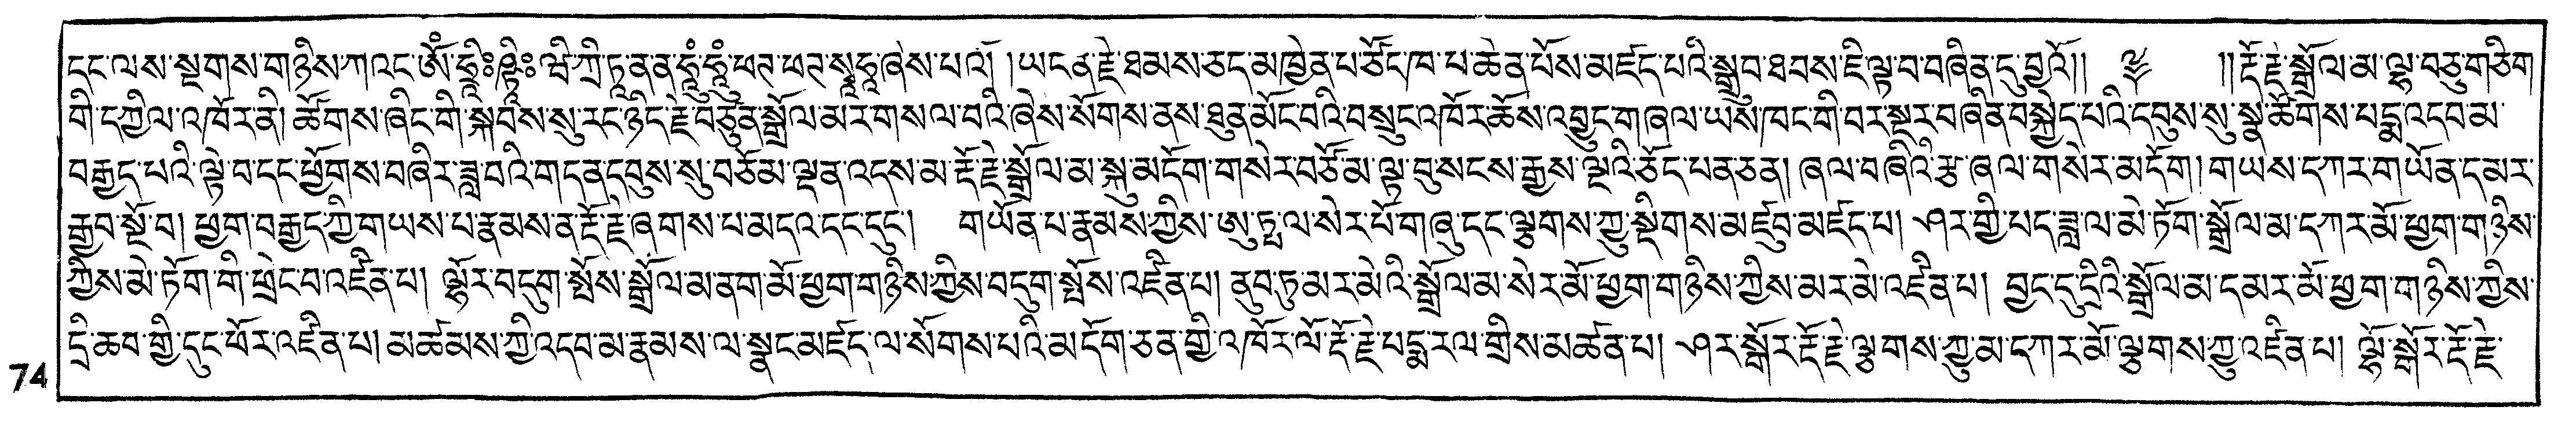དང་ལས་སྔགས་གཉིས་ཀའང་ཨོཾ་ཧྲཱིཿ ཥྟཱིཿ ཝི་ཀྲི་ཏཱ་ན་ན་ཧཱུཾ་ཧཱུཾ་ཕཊ་ཕཊ་སྭཱཧཱ་ཞེས་པའོ། །ཡང་ན་རྗེ་ཐམས་ཅད་མཁྱེན་པ་ཙོང་ཁ་པ་ཆེན་པོས་མཛད་པའི་སྒྲུབ་ཐབས་ཇི་ལྟ་བ་བཞིན་དུ་བྱའོ།། ༈ །།རྡོ་རྗེ་སྒྲོལ་མ་ལྷ་བཅུ་གཅིག་
གི་དཀྱིལ་འཁོར་ནི། ཚོགས་ཞིང་གི་སྐབས་སུ་རང་ཉིད་རྗེ་བཙུན་སྒྲོལ་མར་གསལ་བའི་ཞེས་སོགས་ནས་ཐུན་མོང་བའི་བསྲུང་འཁོར་ཆོས་འབྱུང་གཞལ་ཡས་ཁང་གི་བར་སྔར་བཞིན་བསྐྱེད་པའི་དབུས་སུ་སྣ་ཚོགས་པདམ་འདབ་མ་
བརྒྱད་པའི་ལྟེ་བ་དང་ཕྱོགས་བཞིར་ཟླ་བའི་གདན་དབུས་སུ་བཅོམ་ལྡན་འདས་མ་རྡོ་རྗེ་སྒྲོལ་མ་སྐུ་མདོག་གསེར་བཙོ་མ་ལྟ་བུ་སངས་རྒྱས་ལྔའི་ཅོད་པན་ཅན། ཞལ་བཞིའི་རྩ་ཞལ་གསེར་མདོག །གཡས་དཀར་གཡོན་དམར་
རྒྱབ་སྔོ་བ། ཕྱག་བརྒྱད་ཀྱི་གཡས་པ་རྣམས་ན་རྡོ་རྗེ་ཞགས་པ་མདའ་དང་དུང་། གཡོན་པ་རྣམས་ཀྱིས་ཨུ་ཏྤ་ལ་སེར་པོ་གཞུ་དང་ལྕགས་ཀྱུ་སྡིགས་མཛུབ་མཛད་པ། ཤར་གྱི་པད་ཟླ་ལ་མེ་ཏོག་སྒྲོལ་མ་དཀར་མོ་ཕྱག་གཉིས་
ཀྱིས་མེ་ཏོག་གི་ཕྲེང་བ་འཛིན་པ། ལྷོར་བདུག་སྤོས་སྒྲོལ་མ་ནག་མོ་ཕྱག་གཉིས་ཀྱིས་བདུག་སྤོས་འཛིན་པ། ནུབ་ཏུ་མར་མེའི་སྒྲོལ་མ་སེར་མོ་ཕྱག་གཉིས་ཀྱིས་མར་མེ་འཛིན་པ། བྱང་དུ་དྲིའི་སྒྲོལ་མ་དམར་མོ་ཕྱག་གཉིས་ཀྱིས་
དྲི་ཆབ་གྱི་དུང་ཕོར་འཛིན་པ། མཚམས་ཀྱི་འདབ་མ་རྣམས་ལ་སྣང་མཛད་ལ་སོགས་པའི་མདོག་ཅན་གྱི་འཁོར་ལོ་རྡོ་རྗེ་པདམ་རལ་གྲིས་མཚན་པ། ཤར་སྒོར་རྡོ་རྗེ་ལྕགས་ཀྱུ་མ་དཀར་མོ་ལྕགས་ཀྱུ་འཛིན་པ། ལྷོ་སྒོར་རྡོ་རྗེ་